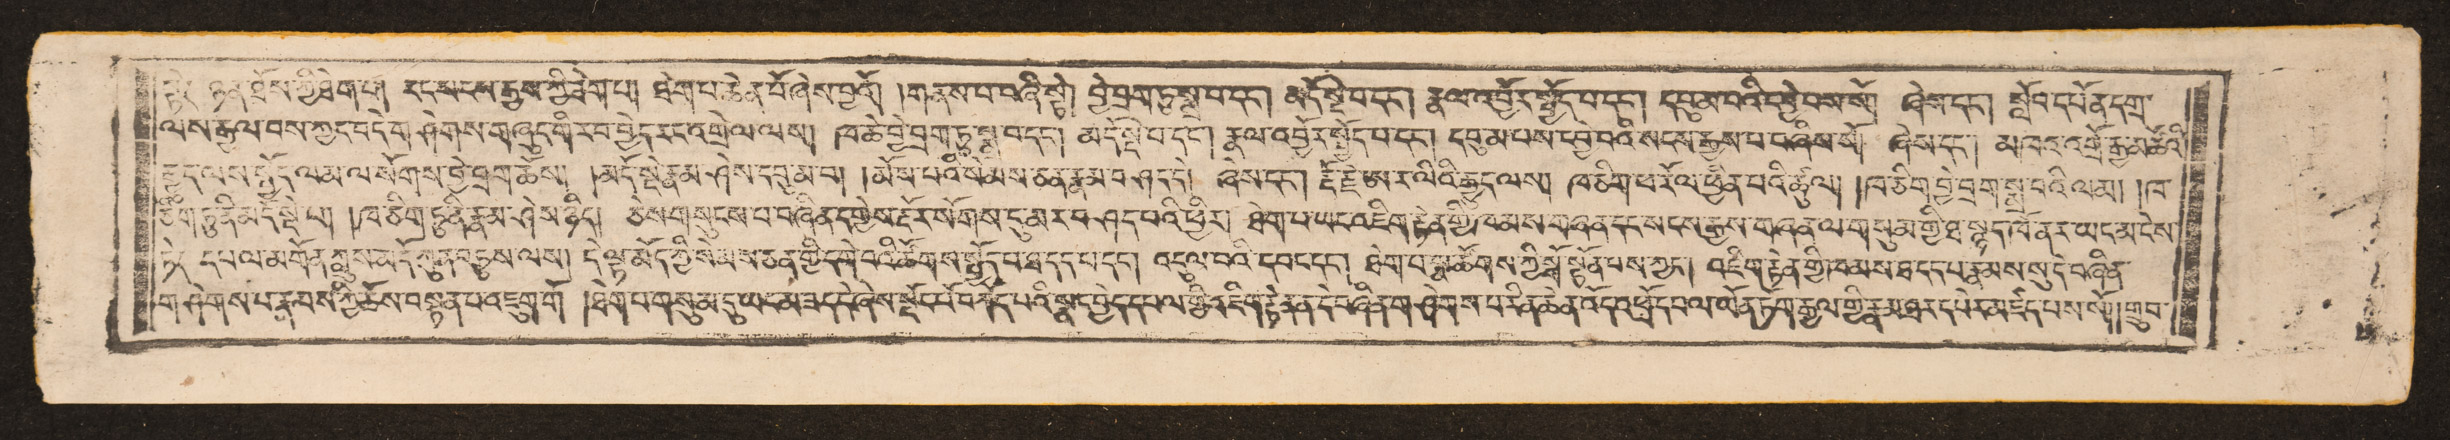སྟེ༑ ཉན་ཐོས་ཀྱི་ཐེག་པ། རང་སངས་རྒྱས་ཀྱི་ཐེག་པ། ཐེག་པ་ཆེན་པོ་ཞེས་བྱའོ། །གནས་པ་བཞི་སྟེ། བྱེ་བྲག་ཏུ་སྨྲ་བ་དང་། མདོ་སྡེ་བ་དང་། རྣལ་འབྱོར་སྤྱོད་པ་དང་། དབུ་མ་པའི་དབྱེ་བས་སོ། ཞེས་དང་། སློབ་དཔོན་དགྲ་
ལས་རྒྱལ་བས་ཀྱང་བདེ་གཤེགས་གཞུང་གི་རབ་བྱེད་རང་འགྲེལ་ལས། ཁ་ཆེ་བྱེ་བྲག་ཏུ་སྨྲ་བ་དང་། མདོ་སྡེ་པ་དང་། རྣལ་འབྱོར་སྤྱོད་པ་དང་། དབུ་མ་པས་དབྱེ་བའི་སངས་རྒྱས་པ་བཞིས་སོ། ཞེས་དང་། མཁའ་འགྲོ་རྒྱ་མཚོའི་
རྒྱུད་ལས་སྤྱོད་ལམ་ལ་སོགས་བྱེ་བྲག་ཆོས། །མདོ་སྡེ་རྣམ་ཤེས་དབུ་མ་པ། །མོས་པའི་སེམས་ཅན་རྣམ་བཤད་དེ། ཞེས་དང་། རྡོ་རྗེ་ཨ་ར་ལིའི་རྒྱུད་ལས། ཁ་ཅིག་ཕ་རོལ་ཕྱིན་པའི་ཚུལ། །ཁ་ཅིག་བྱེ་བྲག་སྨྲ་བའི་ལམ། །ཁ་
ཅིག་ཏུ་ནི་མདོ་སྡེ་བ། །ཁ་ཅིག་ཏུ་ནི་རྣམ་ཤེས་ཉིད། ཅེས་གསུངས་པ་བཞིན་དགྱེས་རྡོར་སོགས་དུ་མར་བཤད་པའི་ཕྱིར། ཐེག་པ་ཡང་འཇིག་རྟེན་གྱི་ཁམས་གཞན་དང་སངས་རྒྱས་གཞན་ལ་གསུམ་གྱི་ཐ་སྙད་ཁོ་ནར་ཡང་མ་ངེས་
ཏེ༑ དཔལ་མགོན་ཀླུས་མདོ་ཀུན་བཏུས་ལས། དེ་ལྟ་མོད་ཀྱི་སེམས་ཅན་གྱི་དགེ་བའི་ཚོགས་སྤྱོད་པ་ཐ་དད་པ་དང་། འདུལ་བའི་དབང་དང་། ཐེག་པ་སྨ་ཚོགས་ཀྱི་སྒོ་སྟོན་པས་ཀྱང་། འཇིག་རྟེན་གྱི་ཁམས་ཐ་དད་པ་རྣམས་སུ་དེ་བཞིན་
གཤེགས་པ་རྣམས་ཀྱི་ཆོས་བསྟན་པ་འཇུག་གོ །ཐེག་པ་གསུམ་དུ་ཡང་མ་ཟད་དེ་ཞེས་སྡོང་པོ་བཀོད་པའི་སྣད་བྱེད་དཔལ་གྱི་འཇིག་རྟེན་ན་དེ་བཞིན་གཤེགས་པ་རིན་ཆེན་འོད་འཕྲོད་པ་ལ་ཡོན་ཏོག་རྒྱལ་གྱི་རྣམ་ཐར་དཔེར་མཛད་པས་སོ། །གྲུབ་